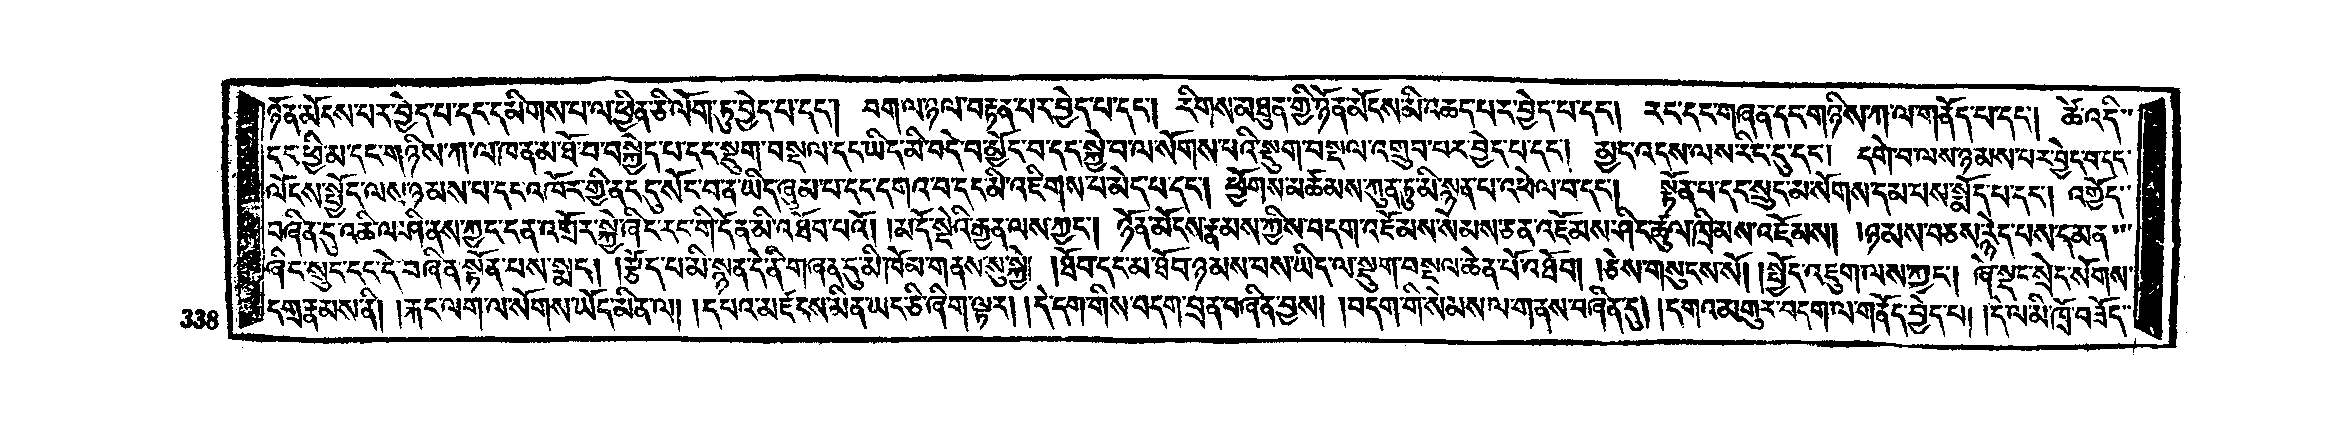ཉོན་མོངས་བར་བྱེད་པ་དང་དམིགས་པ་ལ་ཕྱིན་ཅི་ལོག་ཏུ་བྱེད་པ་དང་། བག་ལ་ཉལ་བརྟན་པར་བྱེད་པ་དང་། རིགས་མཐུན་གྱི་ཉོན་མོངས་མི་འཆད་པར་བྱེད་པ་དང་། རང་དང་གཞན་དང་གཉིས་ཀ་ལ་གནོད་པ་དང་། ཚེ་འདི་
དང་ཕྱི་མ་དང་གཉིས་ཀ་ལ་ཁ་ན་མ་ཐོ་བ་བསྐྱེད་པ་དང་སྡུག་བསྔལ་དང་ཡིད་མི་བདེ་བ་མྱོང་བ་དང་སྐྱེ་བ་ལ་སོགས་པའི་སྡུག་བསྔལ་འགྲུབ་པར་བྱེད་པ་དང་། མྱང་འདས་ལས་རིང་དུ་དང་། དགེ་བ་ལས་ཉམས་པར་བྱེད་པ་དང་
ལོངས་སྤྱོད་ལས་ཉམས་པ་དང་འཁོར་གྱི་ནང་དུ་སོང་བ་ན་ཡིད་ཞུམ་པ་དང་དགའ་བ་དང་མི་འཇིགས་པ་མེད་པ་དང་། ཕྱོགས་མཚམས་ཀུན་ཏུ་མི་སྙན་པ་འཕེལ་བ་དང་། སྟོན་པ་དང་སྲུང་མ་སོགས་དམ་པས་སྨོད་པ་དང་། འགྱོད་
བཞིན་དུ་འཆི་ལ་ཤི་ནས་ཀྱང་ངན་འགྲོར་སྐྱེ་ཞིང་རང་གི་དོན་མི་འཐོབ་པའོ། །མདོ་སྡེའི་རྒྱན་ལས་ཀྱང་། ཉོན་མོངས་རྣམས་ཀྱིས་བདག་འཇོམས་སེམས་ཅན་འཇོམས་ཤིང་ཚུལ་ཁྲིམས་འཇོམས། །ཉམས་བཅས་རྙེད་པས་དམན་
ཞིང་སྲུང་དང་དེ་བཞིན་སྟོན་པས་སྨད། །རྩོད་པ་མི་སྙན་དེ་ནི་གཞན་དུ་མི་ཁོམ་གནས་སུ་སྐྱེ། །ཐོབ་དང་མ་ཐོབ་ཉམས་པས་ཡིད་ལ་སྡུག་བསྔལ་ཆེན་པོ་འཐོབ། །ཅེས་གསུངས་སོ། །སྤྱོད་འཇུག་ལས་ཀྱང་། ཞེ་སྡང་སྲེད་སོགས་
དགྲ་རྣམས་ནི། །རྐང་ལག་ལ་སོགས་ཡོད་མིན་ལ། །དཔའ་མཛངས་མིན་ཡང་ཅི་ཞིག་ལྟར། །དེ་དག་གིས་བདག་བྲན་བཞིན་བྱས། །བདག་གི་སེམས་ལ་གནས་བཞིན་དུ། །དགའ་མགུར་བདག་ལ་གནོད་བྱེད་པ། །དེ་ལ་མི་ཁྲོ་བཟོད་